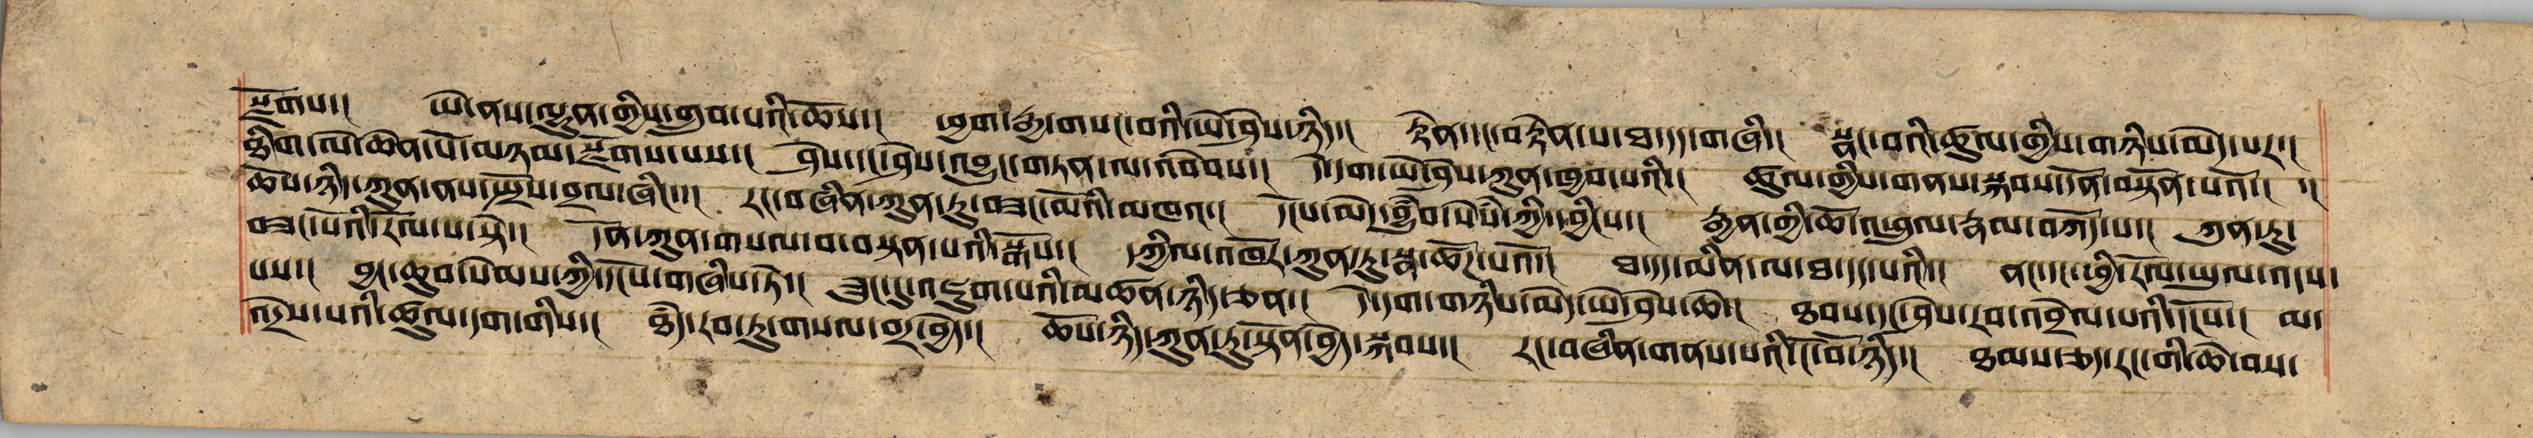སྫོགས་། ཡེ་ནས་ལྷུན་གྱིས་གྲུབ་པའི་ཆོས་། ཕྱག་རྒྱ་གསང་བའི་ཡེ་ཤེས་ཉིད་། རྟེན་དང་བརྟེན་པ་ཐ་དད་གཞི་། སྣང་བའི་ཚུལ་གྱིས་གཉིས་མེད་པར་།
ཐིག་ལེ་ཆེན་པོ་མཉམ་སྫོགས་པས་། ཤེས་དང་ཤེས་འབྱུང་གཏན་ལ་འབེབས་། དེ་དག་ཡེ་ཤེས་ཀུན་ཁྱབ་པའི་། ཚུལ་གྱིས་གནས་སྐབས་དོན་བསྟོན་པའོ་། ་།
ཆོས་ཉིད་ཀུན་ནས་སྤྲོས་བྲལ་ཞིང་་། རང་བཞིན་ཀུན་ཏུ་བཟང་མོའི་མཁའ་། དངོས་མེད་བྱུཾབ་སེསཾ་ཀྱི་དབྱིངས་། རྒྱན་གྱི་ཆོ་འཕྲུལ་རྣམ་བཀོད་པ་། ཀུན་ཏུ་
བཟང་པོའི་རོལ་པ་སྟེ་། དོན་ཀུན་གསལ་བ་བསྟན་པའི་སྒོས་། དཀྱིལ་འཁོར་ཀུན་ཏུ་སྣ་ཚོཌ་པའོ་། ཐ་དད་མིན་ལ་ཐ་དད་པའི་། ནང་དང་ཕྱི་རོལ་ཡུལ་འདས་
པས་། བྱང་ཆུབ་སེམས་ཀྱི་དངོས་གཞིས་ཏེ་། ཟུང་དུ་འཇུག་པའི་མཚན་ཉིད་ཅན་། དེ་དག་གཉིས་མེད་ཡེ་ཤེས་ཆེ་། ཐབས་དང་ཤེས་རབ་འབྲེལ་པའི་དངོས་། མ་
འདྲེས་པའི་ཚུལ་དག་གིས་། ཐཾད་རབ་ཏུ་གསལ་བར་བྱེད་། ཆོས་ཉིད་ཀུན་ཏུ་སྟོན་བྱེད་སྐབས་། རང་བཞིན་གནས་པའི་ངོ་བོ་ཉིད་། ཐམས་ཅད་རང་གི་ཆེ་བས་